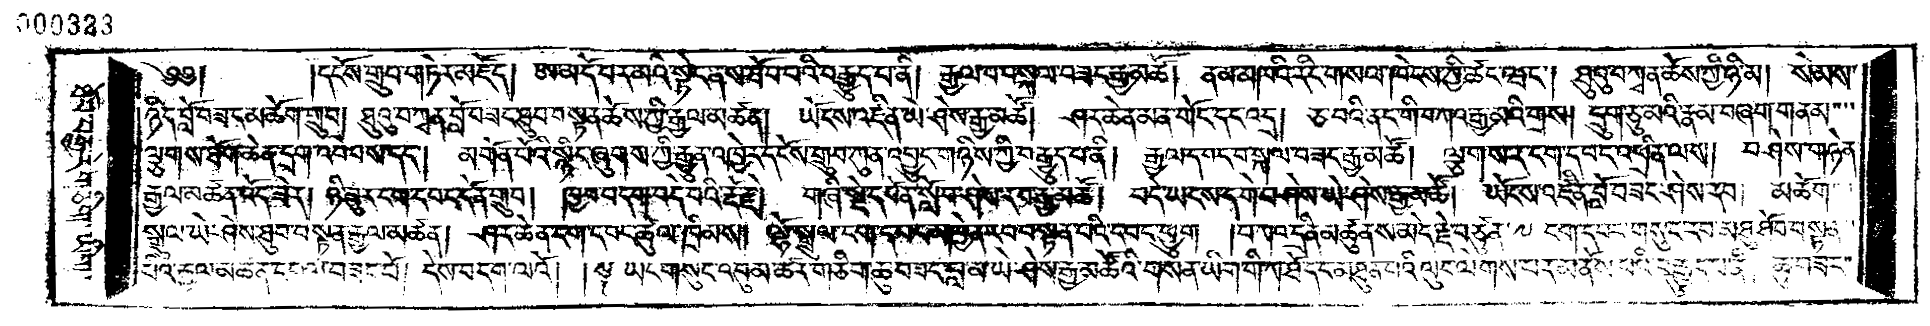༄༅། །དངོས་གྲུབ་གཏེར་མཛོད། ཨ་མདོ་བར་མའི་སྟེང་ནས་ཐོབ་པའི་བརྒྱུད་པ་ནི། རྒྱལ་བ་བསྐལ་བཟང་རྒྱ་མཚོ། ནམ་མཁའི་རིང་གསལ་ཁེངས་ཀྱི་ཚང་ཝང་། ཐུའུ་བཀྭན་ཆོས་ཀྱི་ཉི་མ། སེམས་
ཉིད་བློ་བཟང་མཆོག་གྲུབ། ཐུའུ་བཀྭན་བློ་བཟང་ཐུབ་བསྟན་ཆོས་ཀྱི་རྒྱལ་མཚན། ཡོངས་འཛིན་ཡེ་ཤེས་རྒྱ་མཚོ། ཤར་ཆེན་མན་གོང་དང་འདྲ། ཅ་བའི་ནང་གི་བཀའ་རྒྱ་མའི་གྲས། དྲུག་ཅུ་མའི་རྣམ་བཞག་གནམ་
ལྕགས་ཐོག་ཆེན་དྲག་འབེབས་དང་། མགོན་པོའི་སྙིང་ཞུགས་ཀྱི་རྒྱུན་འཁྱེར་དངོས་གྲུབ་ཀུན་འབྱུང་གཉིས་ཀྱི་བརྒྱུད་པ་ནི། རྒྱལ་དབང་བསྐལ་བཟང་རྒྱ་མཚོ། ལྕགས་ར་ངག་དབང་འཕྲིན་ལས། བཤེས་གཉེན་
རྒྱལ་མཚན་འོད་ཟེར། ཉི་ཟུར་ངག་དབང་དོན་གྲུབ། ཁྱབ་བདག་བདེ་བའི་རྡོ་རྗེ། གཞི་སྡེ་དཔོན་སློབ་ཤེས་རབ་རྒྱ་མཚོ། བདེ་ཡངས་དགེ་བཤེས་ཡེ་ཤེས་རྒྱ་མཚོ། ཡོངས་འཛིན་བློ་བཟང་ཤེས་རབ། མཆོག་
སྒྲུལ་ཡེ་ཤེས་ཐུབ་བསྟན་རྒྱལ་མཚན། ཤར་ཆེན་ངག་དབང་ཚུལ་ཁྲིམས། ལྷོ་སྤྲུལ་ངག་དབང་མཁྱེན་རབ་བསྟན་པའི་དབང་ཕྱུག །བཀའ་དྲིན་མཚུན་ས་མེད་རྗེ་བཙུན ༧་ངག་དབང་གསུང་རབ་མཐུ་ཐོབ་བསྟན་
པའི་རྒྱལ་མཚན་དཔལ་བཟང་པོ། དེས་བདག་ལའོ། །༈ ཡང་གསུང་འབུམ་ཚར་གཅིག་ཆུ་བཟང་བླ་མ་ཡེ་ཤེས་རྒྱ་མཚོའི་གསན་ཡིག་གི་ཀ་ཐོ་དང་མཐུན་པའི་ལུང་ལེགས་པར་མ་ནོས་པའི་བརྒྱུད་པ་ནི། ཆུ་བཟང་